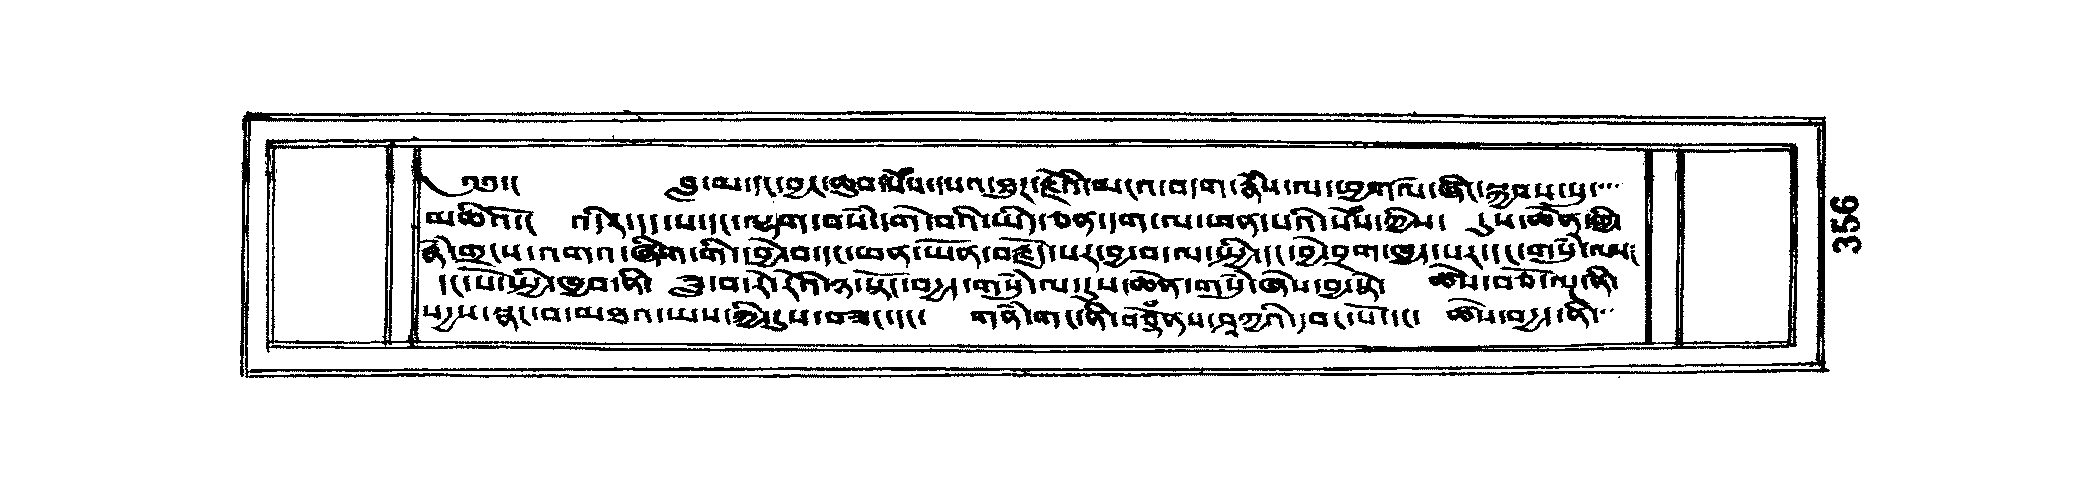བླ་མ་དང་བྱང་ཆུབ་སེམས་དཔའ་ཐུགས་རྗེའི་མངའ་བདག་རྣམས་ལ་ཕྱག་འཚལ་ཞིང་སྐྱབས་སུ་
མཆིའོ། འདིར་དད་པ་དང་ལྷག་བསམ་དགེ་བའི་ཡིད་ཅན་དག་ལ་ཕན་པའི་སེམས་ཀྱིས། དུས་ཆེན་གྱི་
རྣམ་གྲངས་འགའ་ཞིག་གི་དབྱེ་བ་དང་ཕན་ཡོན་བརྗོད་པར་བྱ་བ་ལ། སྤྱི་དང་བྱེ་བྲག་ཁྱད་པར་དང་གསུམ་ལས། 
དང་པོ་སྤྱི་ཁྱབ་ནི། ཟླ་བ་རེ་རེའི་ཉ་སྟོང་བརྒྱད་གསུམ་ལ་དུས་ཆེན་གསུམ་ཞེས་བྱ་སྟེ། ཚེས་བཅོ་ལྔ་ནི་
སངས་རྒྱས་སྣང་བ་མཐའ་ཡས་ཀྱི་དུས་བཟང་དང་། གནམ་གང་ནི་བཅོམ་ལྡན་འདས་ཤཱཀྱའི་དབང་པོ་དང་། ཚེས་བརྒྱད་ནི་